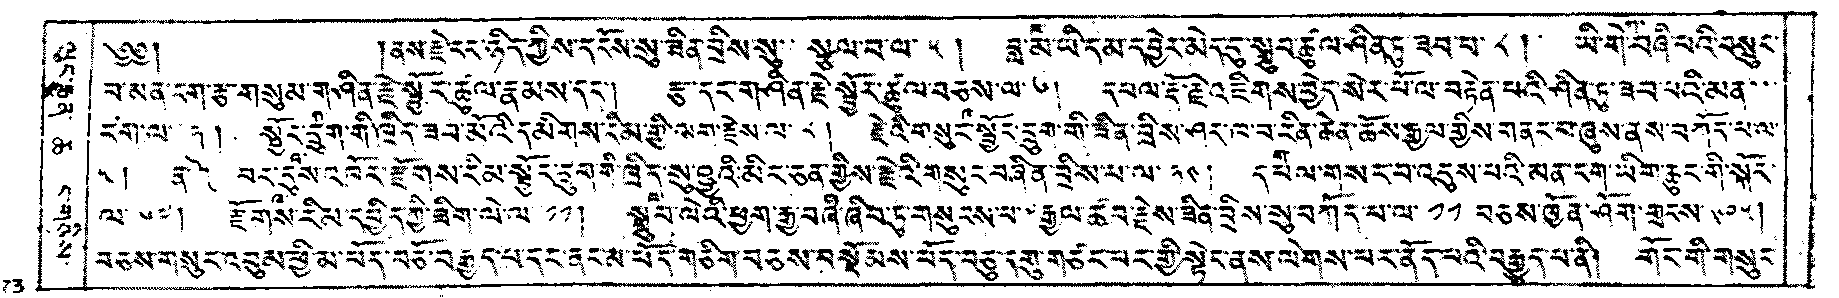༄༅། །ནས་རྗེ་རང་ཉིད་ཀྱིས་དངོས་སུ་ཟིན་བྲིས་སུ་སྩལ་བ་ལ ༥། བླ་ཁ་མ་ཡི་དམ་དབྱེར་མེད་དུ་སྒྲུབ་ཚུལ་ཤིན་ཏུ་ཟབ་པ ༨། ཡི་གེ་ཀ་བཞི་པའི་བསྲུང་
བ་མན་ངག་རྩ་གསུམ་གཤིན་རྗེ་སྦྱོར་ཚུལ་རྣམས་དང་། རྩ་དང་གཤིན་རྗེ་སྦྱོར་ཚུལ་བཅས་ལ ༦། དཔལ་རྡོ་རྗེ་འཇིགས་བྱེད་སེར་པོ་ལ་བརྟེན་པའི་ཤིན་ཏུ་ཟབ་པའི་མན་
ངག་ལ ༢། སྦྱོར་དྲུག་ཀ་གི་ཁྲིད་ཟབ་མོའི་དམིགས་རིམ་གྱི་ལག་རྗེས་ལ ༨། རྗེའི་གསུང་ཁ་སྦྱོར་དྲུག་གི་ཟིན་བྲིས་ཤར་ཁ་པ་རིན་ཆེན་ཆོས་རྒྱལ་གྱིས་གནང་བ་ཞུས་ནས་བཀོད་པ་ལ་
༥། ན྄་པར་དུས་ཁ་འཁོར་རྫོགས་རིམ་སྦྱོར་དྲུག་གི་ཁྲིད་སུ་ཥྱའི་མིང་ཅན་གྱིས་རྗེའི་གསུང་བཞིན་བྲིས་པ་ལ ༢༤། དཔལ་ག་གསང་བ་འདུས་པའི་མན་ངག་ཡིག་ཆུང་གི་སྐོར་
ལ ༦༧། རྫོགས་ཁ་རིམ་དཔྱིད་ཀྱི་ཐིག་ལེ་ལ ༡༡། སྒྲུབ་ཁ་ལེའི་ཕྱག་རྒྱ་བཞི་ཞིབ་ཏུ་གསུངས་པ་༧རྒྱལ་ཚབ་རྗེས་ཟིན་བྲིས་སུ་བཀོད་པ་ལ ༡༡་བཅས་ཁྱོན་ཤོག་གྲངས ༤༠༥།
བཅས་གསུང་འབུམ་ཕྱི་མ་པོད་བཅོ་བརྒྱད་པ་དང་ནང་མ་པོད་གཅིག་བཅས་བསྡོམས་པོད་བཅུ་དགུ་གཙང་པར་གྱི་སྟེང་ནས་ལེགས་པར་ནོད་པའི་བརྒྱུད་པ་ནི། གོང་གི་གསུང་